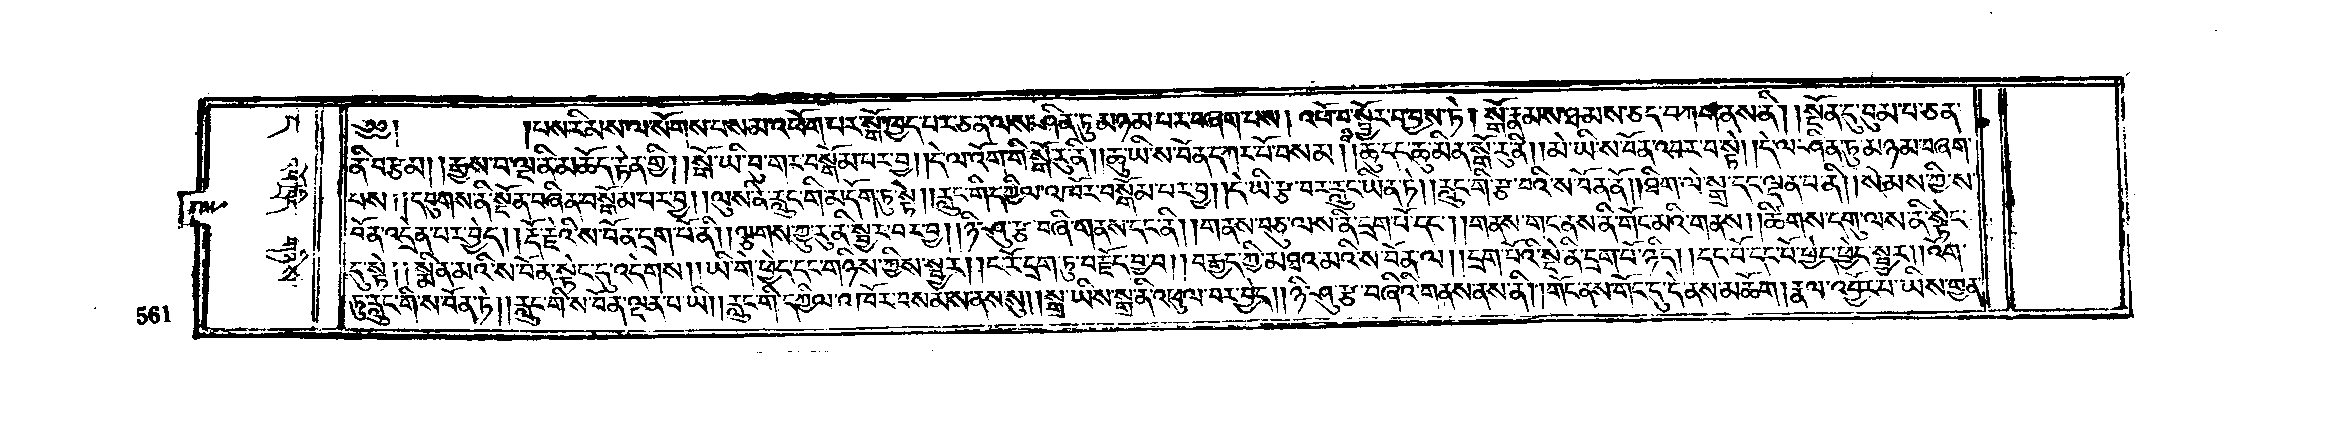༄༅། །པས་རིམས་ལ་སོགས་པས་མ་འཕོག་པར་སྒོ་ཁྱད་པར་ཅན་ལས་ཤིན་ཏུ་མཉམ་པར་བཞག་པས། འཕོ་བའི་སྦྱོར་བ་བྱས་ཏེ། སྒོ་རྣམས་ཐམས་ཅད་བཀག་ནས་ནི། །སྔོན་དུ་བུམ་པ་ཅན་
ནི་བརྩམ། །རྒྱས་པ་ལྔ་ནི་མཆོད་རྟེན་གྱི། །སྒོ་ཡི་བུ་གར་བསྒོམ་པར་བྱ། །དེ་ལ་འོག་གི་སྒོ་རུ་ནི། །ཆུ་ཡི་ས་བོན་དཀར་པོ་བསམ། །ཆུ་དང་ཆུ་མིན་སྒོ་རུ་ནི། །མེ་ཡི་ས་བོན་འབར་བ་སྟེ། །དེ་ལ་ཤིན་ཏུ་མཉམ་བཞག་
པས། །དབུགས་ནི་སྔོན་བཞིན་བསྒོམ་པར་བྱ། །ལུས་ནི་རླུང་གི་མདོག་ཏུ་སྟེ། །རླུང་གི་དཀྱིལ་འཁོར་བསྒོམ་པར་བྱ། །དེ་ཡི་རྩ་བར་རླུང་ཡིན་ཏེ། །རླུང་གི་རྩ་བའི་ས་བོན་ནོ། །ཐིག་ལེ་སྒྲ་དང་ལྡན་པ་ནི། །སེམས་ཀྱི་ས་
བོན་འདྲེན་པར་བྱེད། །རྡོ་རྗེའི་ས་བོན་དྲག་པོ་ནི། །ལྕགས་ཀྱུ་རུ་ནི་སྦྱར་བར་བྱ། །ཉི་ཤུ་རྩ་བཞི་གནས་དང་ནི། །གནས་བཅུ་ལས་ནི་དྲག་པོ་དང་། །གནས་གང་ནས་ནི་གོང་མའི་གནས། །ཚིགས་དགུ་ལས་ནི་སྟེང་
དུ་སྟེ། །སྨིན་མའི་ས་བོན་སྟེང་དུ་འདེགས། །ཡི་གེ་ཕྱེད་དང་གཉིས་ཀྱིས་སྦྱར། །ང་རོ་དྲག་ཏུ་བརྗོད་བྱ་བ། །བརྒྱད་ཀྱི་མཐའ་མའི་ས་བོན་ལ། །དྲག་པོའི་སྡེ་ནི་དྲག་པོ་ཉིད། །དང་པོ་དང་པོ་ཕྱེད་ཕྱེད་སྦྱར། །འོག་
ཏུ་རླུང་གི་ས་བོན་ཏེ། །རླུང་གི་ས་བོན་ལྡན་པ་ཡི། །རླུང་གི་དཀྱིལ་འཁོར་བསམས་ནས་སུ། །སྒྲ་ཡིས་སྒྲ་ནི་འཕུལ་བར་བྱེད། །ཉི་ཤུ་རྩ་བཞིའི་གནས་ནས་ནི། །གོང་ནས་གོང་དུ་དེ་ནས་མཆོག །རྣལ་འབྱོར་པ་ཡིས་གྱན་